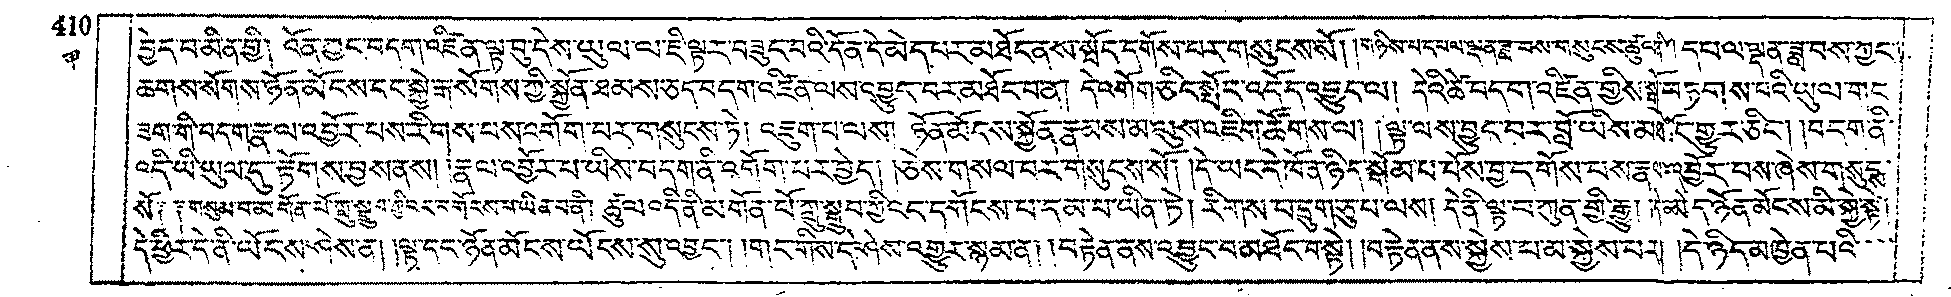བྱེད་པ་མིན་གྱི། འོན་ཀྱང་བདག་འཛིན་ལྟ་བུ་དེས་ཡུལ་ལ་ཇི་ལྟར་བཟུང་བའི་དོན་དེ་མེད་པར་མཐོང་ནས་སྤོང་དགོས་པར་གསུངས་སོ། །གཉིས་པ་དཔལ་ལྡན་ཟླ་བས་གསུངས་ཚུལ་ནི།  དཔལ་ལྡན་ཟླ་བས་ཀྱང་
ཆགས་སོགས་ཉོན་མོངས་དང་སྐྱེ་རྒ་སོགས་ཀྱི་སྐྱོན་ཐམས་ཅད་བདག་འཛིན་ལས་འབྱུང་བར་མཐོང་བ་ན། དེ་འགོག་ཅིང་སྤོང་འདོད་འབྱུང་ལ། དེའི་ཚེ་བདག་འཛིན་གྱིས་སྒྲོ་བཏགས་པའི་ཡུལ་གང་
ཟག་གི་བདག་རྣལ་འབྱོར་པས་རིགས་པས་འགོག་པར་གསུངས་ཏེ། འཇུག་པ་ལས། ཉོན་མོངས་སྐྱོན་རྣམས་མ་ལུས་འཇིག་ཚོགས་ལ། །ལྟ་ལས་བྱུང་བར་བློ་ཡིས་མཐོང་གྱུར་ཅིང་། །བདག་ནི་
འདི་ཡི་ཡུལ་དུ་རྟོགས་བྱས་ནས། །རྣལ་འབྱོར་པ་ཡིས་བདག་ནི་འགོག་པར་བྱེད། །ཅེས་གསལ་བར་གསུངས་སོ། །དེ་ཡང་དེ་ཁོ་ན་ཉིད་སྒོམ་པ་པོས་བྱ་དགོས་པས་རྣལ་འབྱོར་པས་ཞེས་གསུངས་
སོ༑ ༑གསུམ་པ་མགོན་པོ་ཀླུ་སྒྲུབ་ཀྱིའང་དགོངས་པ་ཡིན་པ་ནི།  ཚུལ་འདི་ནི་མགོན་པོ་ཀླུ་སྒྲུབ་ཀྱིའང་དགོངས་པ་དམ་པ་ཡིན་ཏེ། རིགས་པ་དྲུག་ཅུ་པ་ལས། དེ་ནི་ལྟ་བ་ཀུན་གྱི་རྒྱུ། །དེ་མེད་ཉོན་མོངས་མི་སྐྱེ་སྟེ།
དེ་ཕྱིར་དེ་ནི་ཡོངས་ཤེས་ན། །ལྟ་དང་ཉོན་མོངས་ཡོངས་སུ་འབྱུང་། །གང་གིས་དེ་ཤེས་འགྱུར་སྙམ་ན། །བརྟེན་ནས་འབྱུང་བ་མཐོང་བ་སྟེ། །བརྟེན་ནས་སྐྱེས་པ་མ་སྐྱེས་པར། །དེ་ཉིད་མཁྱེན་པའི་